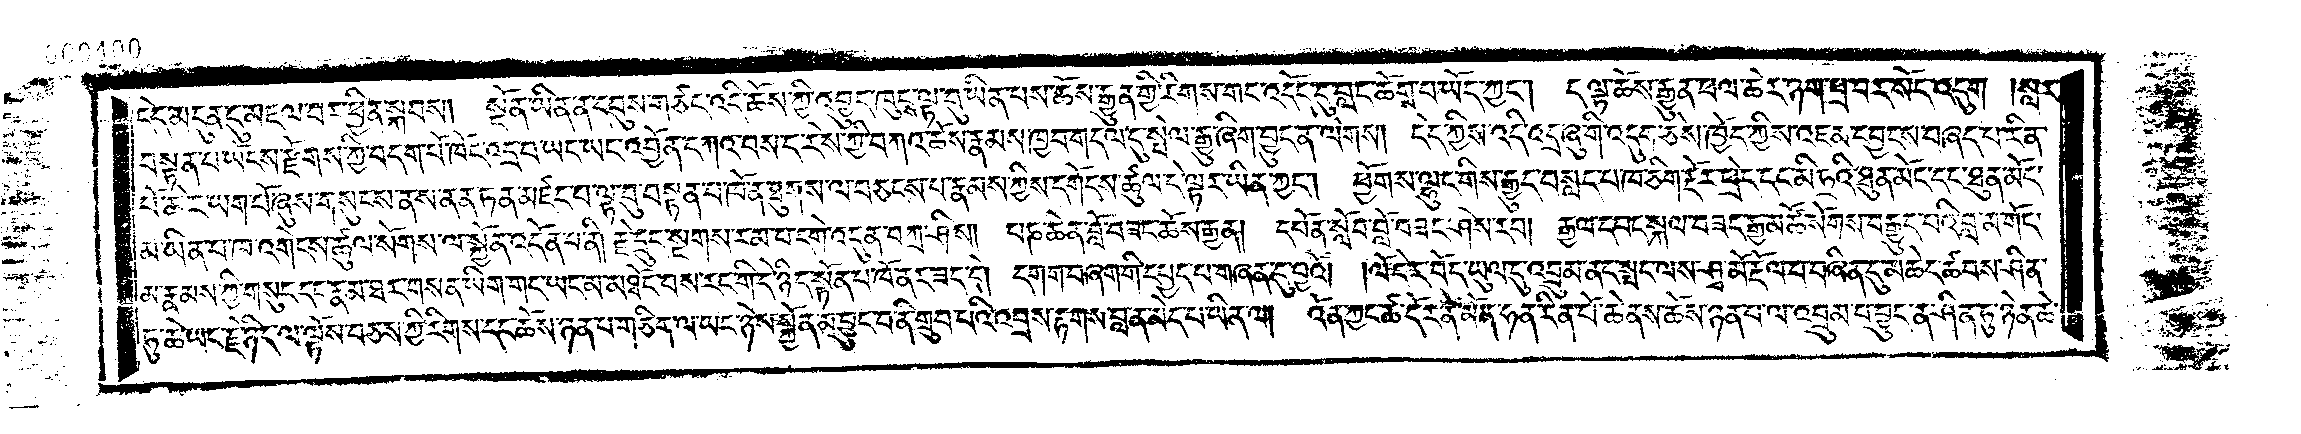ངེད་མདུན་དུ་མཇལ་བར་ཕྱིན་སྐབས། སྔོན་ཡིན་ན་དབུས་གཙང་འདི་ཆོས་ཀྱི་འབྱུང་ཁུངས་ལྟ་བུ་ཡིན་པས་ཆོས་རྒྱུན་གྱི་རིགས་གང་འདོད་དུ་བླང་ཆོགས་པ་ཡོད་ཀྱང་། ད་ལྟ་ཆོས་རྒྱུན་ཕལ་ཆེར་ཉག་ཕྲ་བར་སོད་འདུག །སླར་
བསྟན་པ་ཡོངས་རྫོགས་ཀྱི་བདག་བོ་ཁོང་འདྲ་བ་ཡང་ཡང་འབྱོན་དཀའ་བས་ད་རེས་ཀྱི་བཀའ་ཆོས་རྣམས་ཁྱབ་གདལ་དུ་སྤེལ་རྒྱུ་ཞིག་བྱུང་ན་ལེགས། ངེད་ཀྱིས་འདི་འདྲ་ཞུ་གི་འདུག་ཅེས་ཁྱོད་ཀྱིས་འཇམ་དབྱངས་བཞད་པ་རིན་
པོ་ཆེར་ཡག་པོ་ཞུས་གསུངས་ནས་ནན་ཏན་མཛད་པ་ལྟ་བུ་བསྟན་པ་ཁོ་ན་ཐུགས་ལ་བཅངས་པ་རྣམས་ཀྱིས་དགོངས་ཚུལ་དེ་ལྟར་ཡིན་ཀྱང་། ཕྱོགས་ལྷུང་གིས་རྒྱུད་བསླད་པ་ཁ་ཅིག་རྡོར་ཕྲེང་དང་མི་ཏྲའི་ཐུན་མོང་དང་ཐུན་མོང་
མ་ཡིན་པ་ཁ་འགེངས་ཚུལ་སོགས་ལ་སྐྱོན་འདོན་པ་ནི། རྗེ་དྲུང་སྔགས་རམ་བ་དགེ་འདུན་བཀྲ་ཤིས། པཎ་ཆེན་བློ་བཟང་ཆོས་རྒྱན། དཔོན་སློབ་བློ་བཟང་ཤེས་རབ། རྒྱལ་དབང་སྐལ་བཟང་རྒྱ་མཚོ་སོགས་བརྒྱུད་པའི་བླ་མ་གོང་
མ་རྣམས་ཀྱི་གསུང་དང་རྣམ་ཐར་གསན་ཡིག་གང་ཡང་མ་མཐོང་བས་རང་གི་དེ་ཉིད་སྟོན་པ་ཁོ་ནར་ཟད་དེ། དགག་བཞག་གི་དཔྱད་པ་གཞན་དུ་བྱའོ། །ལོ་དེར་བོད་ཡུལ་དུ་འབྲུམ་ནང་སྤང་ལས་ཤྭ་མོ་རྡོལ་བ་བཞིན་དུ་མཆེད་ཚབས་ཤིན་
ཏུ་ཆེ་ཡང་རྗེ་ཉིད་ལ་ལྟོས་བཅས་ཀྱི་རིགས་དང་ཆོས་ཉན་པ་གཅིག་ལ་ཡང་ཉེས་སྐྱོན་མ་བྱུང་བ་ནི་གྲུབ་པའི་འབྲས་རྟགས་བླ་ན་མེད་པ་ཡིན་ལ། འོན་ཀྱང་ཚ་དོར་ནོ་མོན་ཧན་རིན་པོ་ཆེ་ནས་ཆོས་ཉན་པ་ལ་འབྲུམ་པ་བྱུང་ན་ཤིན་ཏུ་ཉེན་ཆེ་